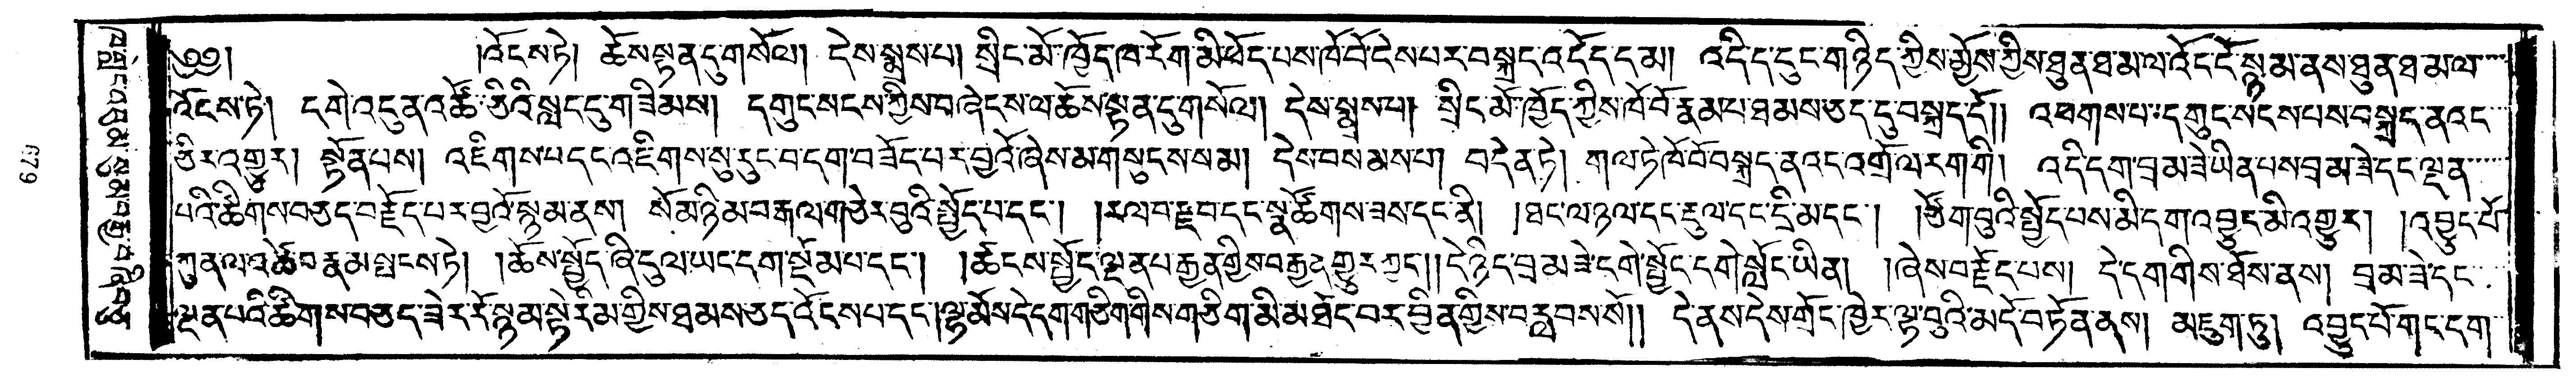༄༅། །འོངས་ཏེ། ཆོས་སྟན་དུ་གསོལ། དེས་སྨྲས་པ། སྲིང་མོ་ཁྱོད་ཁ་རོག་མི་ཕོད་པས་ཁོ་བོ་ངེས་པར་བསྐྲང་འདོད་དམ། འདི་ད་དུང་གཉིད་ཀྱིས་མྱོས་ཀྱིས་ཐུན་ཐ་མ་ལ་འོངན་གོ་སྙམ་ནས་ཐུན་ཐ་མལ་
འོངས་ཏེ། དགེ་འདུན་འཚོ་ཅིའི་སླད་དུ་གཟིམས། དགུང་སངས་ཀྱིས་བཞེངས་ལ་ཆོས་སྟན་དུ་གསོལ། དེས་སྨྲས་པ། དེ་སྲིང་མོ་ཁྱོད་ཀྱིས་ཁོ་བོ་རྣམ་པ་ཐམས་ཅད་དུ་བསྐྲད་དོ།། འཕགས་པ་དགུང་སངས་པས་བསྐྲད་ནའང་
ཅིར་འགྱུར། སྟོན་པས། འཇིགས་པ་དང་འཇིགས་སུ་རུང་བ་དག་བཟོད་པར་བྱའོ་ཞེས་མ་གསུངས་སམ། དེས་བསམས་པ། བདེན་ཏེ། གལ་ཏེ་ཁོ་བོ་བསྐྲད་ནའང་འགྲོ་ལ་རག་གི། འདི་དག་བྲམ་ཟེ་ཡིན་པས་བྲམ་ཟེ་དང་ལྡན་
པའི་ཚིགས་བཅད་བརྗོད་པར་བྱའོ་སྙམ་ནས། སོམ་ཉི་མ་བརྒལ་གཅེར་བུའི་སྤྱོད་པ་དང་། །རལ་བ་རྫབ་དང་སྣ་ཚོགས་ཟས་དང་ནི། །ཐང་ལ་ཉལ་དང་རྡུལ་དང་དྲི་མ་དང་། །ཙོག་བུའི་སྤྱོད་པས་མི་དག་འབྱུང་མི་འགྱུར། །འབྱུང་པོ་
ཀུན་ལ་འཚེ་བ་རྣམ་སྤངས་ཏེ། །ཆོས་སྤྱོད་ཞི་དུལ་ཡང་དག་སྡོམ་པ་དང་། །ཚངས་སྤྱོད་ལྡན་པ་རྒྱན་གྱིས་བརྒྱན་གྱུར་ཀྱང་། །དེ་ཉིད་བྲམ་ཟེ་དགེ་སྦྱོང་དགེ་སློང་ཡིན། །ཞེས་བརྗོད་པས། དེ་དག་གིས་ཐོས་ནས། བྲམ་ཟེ་དང་
ལྡན་པའི་ཚིགས་བཅད་ཟེར་རོ་སྙམ་སྟེ་རིམ་གྱིས་ཐམས་ཅད་འོངས་པ་དང་། ལྷ་མོས་དེ་དག་གཅིག་གིས་གཅིག་མི་མཐོང་བར་བྱིན་གྱིས་བརླབས་སོ།། དེ་ནས་དེས་གྲོང་ཁྱེར་ལྟ་བུའི་མདོ་བཏོན་ནས། མཇུག་ཏུ། འབྱུང་པོ་གང་དག་